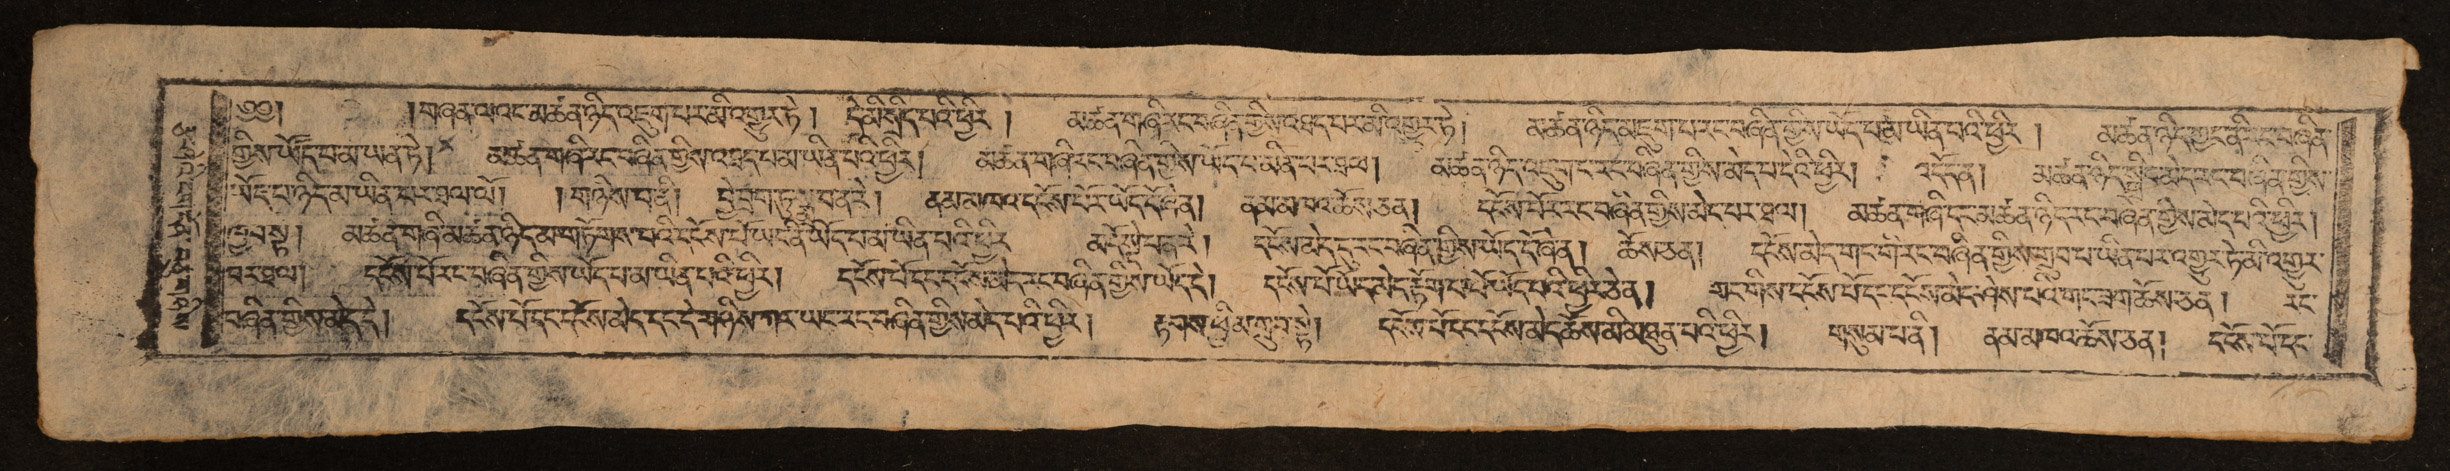༄༅། །གཞན་ལའང་མཚན་ཉིད་འཇུག་པར་མི་འགྱུར་ཏེ། དེ་མི་སྲིད་པའི་ཕྱིར། མཚན་གཞི་རང་བཞིན་གྱིས་འཐད་པར་མི་འགྱུར་ཏེ། མཚན་ཉིད་མཇུག་པ་རང་བཞིན་གྱིས་ཡོད་པ་མ་ཡིན་པའི་ཕྱིར། མཚན་ཉིད་ཀྱང་ནི་རང་བཞིན་
གྱིས་ཡོད་པ་མ་ཡིན་ཏེ། མཚན་གཞི་རང་བཞིན་གྱིས་འཐད་པ་མ་ཡིན་པའི་ཕྱིར། མཚན་གཞི་རང་བཞིན་གྱིས་ཡོད་པ་མིན་པར་ཐལ། མཚན་ཉིད་འཇུག་པ་རང་བཞིན་གྱིས་མེད་པ་དེའི་ཕྱིར། འདོད་ན། མཚན་ཉིད་སྒྲིབ་མེད་རང་བཞིན་གྱིས་
ཡོད་པ་ཉིད་མ་ཡིན་པར་ཐལ་ལོ། །གཉིས་པ་ནི། བྱེ་བྲག་ཏུ་སྨྲ་བ་ན་རེ། ནམ་མཁའ་དངོས་པོར་ཡོད་དོ་ཞེ་ན། ནམ་མཁའ་ཆོས་ཅན། དངོས་པོར་རང་བཞིན་གྱིས་མེད་པར་ཐལ། མཚན་གཞི་དང་མཚན་ཉིད་རང་བཞིན་གྱིས་མེད་པའི་ཕྱིར།
ཁྱབ་སྟེ། མཚན་གཞི་མཚན་ཉིད་མ་གཏོགས་པའི་དངོས་པོ་ཡང་ནི་ཡོད་པ་མ་ཡིན་པའི་ཕྱིར། མདོ་སྡེ་པ་ན་རེ། དངོས་མེད་དུ་རང་བཞིན་གྱིས་ཡོད་དོ་ཞེ་ན། ཆོས་ཅན། དངོས་མེད་གང་གི་རང་བཞིན་གྱིས་གྲུབ་པ་ཡིན་པར་འགྱུར་ཏེ་མི་འགྱུར་
བར་ཐལ། དངོས་པོ་རང་བཞིན་གྱིས་ཡོད་པ་མ་ཡིན་པའི་ཕྱིར། དངོས་པོ་དང་དངོས་མེད་རང་བཞིན་གྱིས་ཡོད་དེ། དངོས་པོ་ཡོད་མེད་རྟོག་པ་པོ་ཡོད་པའི་ཕྱིར་ཅེ་ན། གང་གིས་དངོས་པོ་དང་དངོས་མེད་ཤེས་པའི་གང་ཟག་ཆོས་ཅན། རང་
བཞིན་གྱིས་མེད་དེ། དངོས་པོ་དང་དངོས་མེད་དང་དེ་གཉིས་ཀར་ཡང་རང་བཞིན་གྱིས་མེད་པའི་ཕྱིར། རྟགས་ཕྱི་མ་གྲུབ་སྟེ། དངོས་པོ་དང་དངོས་མེད་ཆོས་མི་མཐུན་པའི་ཕྱིར། གསུམ་པ་ནི། ནམ་མཁའ་ཆོས་ཅན། དངོས་པོ་དང་